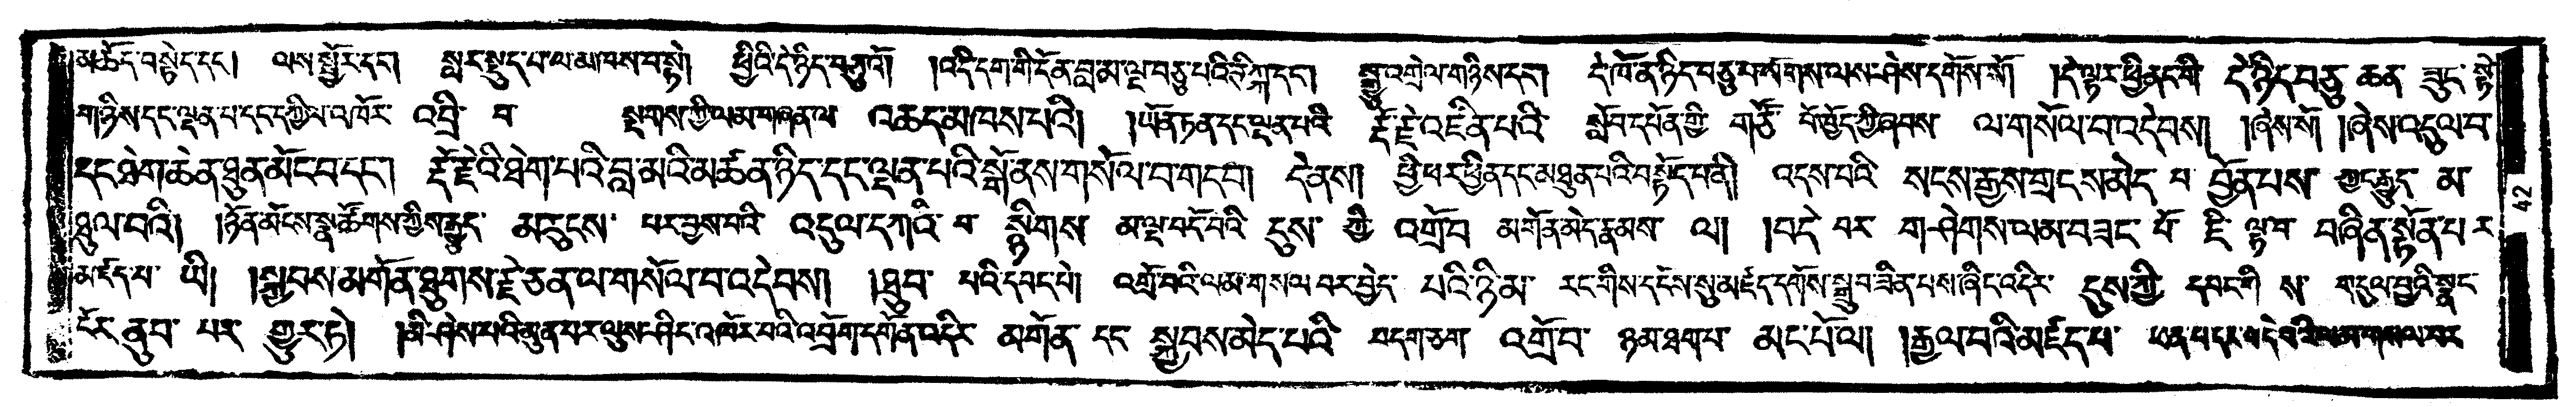མཆོད་བསྟེད་དང་། ལས་སྦྱོར་དང་། སླར་སྡུད་པ་ལ་མཁས་པ་སྟེ། ཕྱིའི་དེ་ཉིད་བཅུའོ། །འདི་དག་གི་དོན་བླ་མ་ལྔ་བཅུ་པའི་ཊིཀྐ་དང་། སྒྱུ་འགྲེལ་གཉིས་དང་། དེ་ཁོ་ན་ཉིད་བཅུ་པ་སོགས་ལས་ཤེས་དགོས་སོ། །དེ་ལྟར་ཕྱི་ནང་གི་དེ་ཉིད་བཅུ་ཆན་ཟུང་སྟེ་
གཉིས་དང་ལྡན་པ་དང་དཀྱིལ་འཁོར་འབྲི་བ་སྔགས་ཀྱི་ལམ་གཞན་ལ་འཆད་མཁས་པའི། །ཡོན་ཏན་དང་ལྡན་པའི་རྡོ་རྗེ་འཛིན་པའི་སློབ་དཔོན་གྱི་གཙོ་བོ་ཁྱོད་ཀྱི་ཞབས་ལ་གསོལ་བ་འདེབས། །ཞེས་སོ། །ཞེས་འདུལ་བ་
དང་ཐེག་ཆེན་ཐུན་མོང་བ་དང་། རྡོ་རྗེའི་ཐེག་པའི་བླ་མའི་མཚན་ཉིད་དང་ལྡན་པའི་སྒོ་ནས་གསོལ་བ་གདབ། དེ་ནས། ཕྱི་ཕར་ཕྱིན་དང་མཐུན་པའི་བསྟོད་པ་ནི། འདས་པའི་སངས་རྒྱས་གྲངས་མེད་པ་བྱོན་པས་ཀྱང་རྒྱུད་མ་
ཐུལ་བའི། །ཉོན་མོངས་སྣ་ཚོགས་ཀྱིས་རྒྱུད་མ་རུངས་པར་བྱས་པའི་འདུལ་དཀའི་བ་སྙིགས་མ་ལྔ་བདོ་བའི་དུས་ཀྱི་འགྲོ་བ་མགོན་མེད་རྣམས་ལ། །བདེ་བར་གཤེགས་ལམ་བཟང་པོ་ཇི་ལྟ་བ་བཞིན་སྟོན་པར་
མཛད་པ་ཡི། །སྐྱབས་མགོན་ཐུགས་རྗེ་ཅན་ལ་གསོལ་བ་འདེབས། །ཐུབ་པའི་དབང་པོ། འགྲོ་བའི་ལམ་གསལ་བར་བྱེད་པའི་ཉི་མ་རང་གིས་དངོས་སུ་མཛད་དགོས་སྒྲུབ་ཟིན་པས་ཞིང་འདིར་དུས་ཀྱི་དབང་གིས་གདུལ་བྱའི་སྣང་
ངོར་ནུབ་པར་གྱུར་ཏེ། །མི་ཤེས་པའི་མུན་པར་ལུས་ཤིང་འཁོར་བའི་འབྲོག་དགོན་འདིར་མགོན་དང་སྐྱབས་མེད་པའི་བདག་ཅག་འགྲོ་བ་ཉམ་ཐག་པ་མང་པོ་ལ། །རྒྱལ་བའི་མཛད་པ་ཕན་པ་དང་བདེ་བའི་ལམ་གསལ་བར་